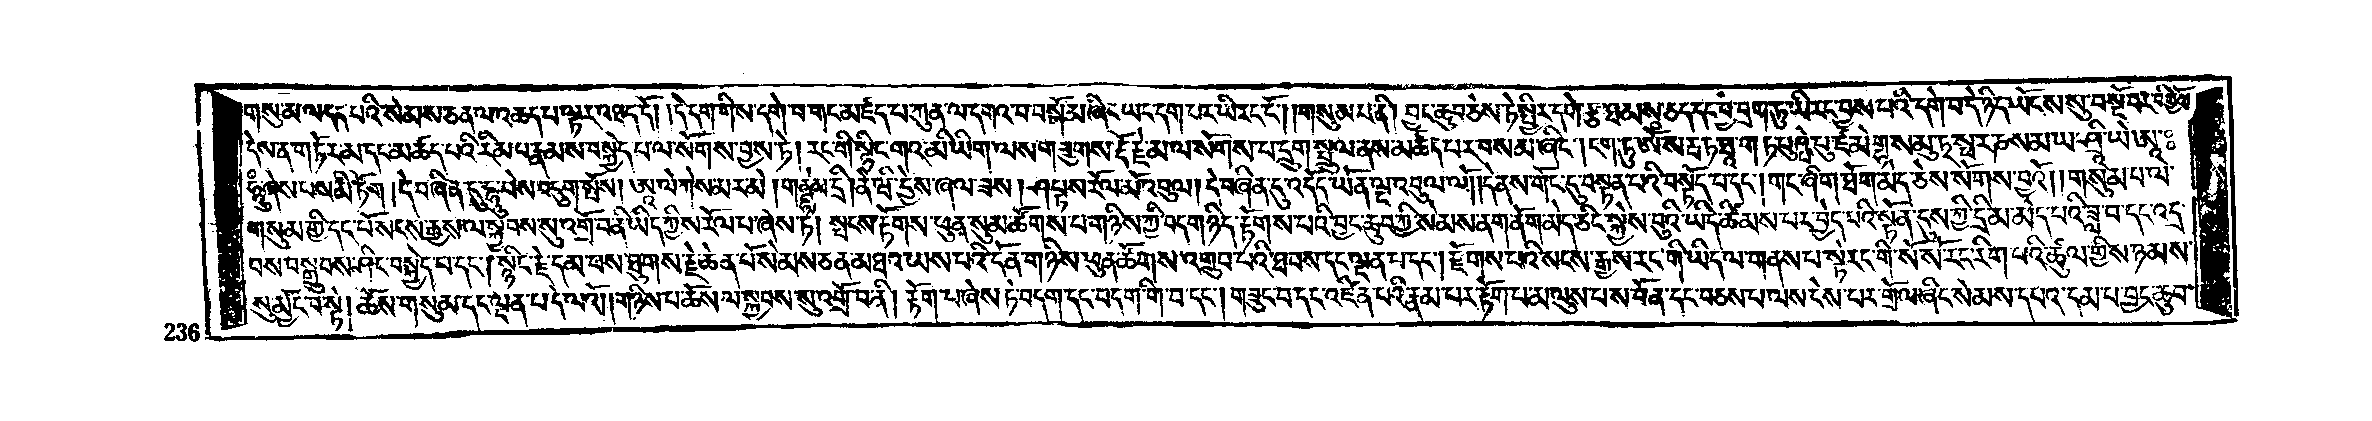གསུམ་ལ་དད་པའི་སེམས་ཅན་ལ་འཆད་པ་ལྟར་འཐད་དོ། །དེ་དག་གིས་དགེ་བ་གང་མཛད་པ་ཀུན་ལ་དགའ་བ་བསྒོམ་ཞིང་ཡང་དག་པར་ཡི་རང་ངོ། །གསུམ་པ་ནི། བྱང་ཆུབ་ཅེས་ཏེ་སྤྱིར་དགེ་རྩ་ཐམས་ཅད་དང་བྱེ་བྲག་ཏུ་ཡི་རང་བྱས་པའི་དགེ་བ་དེ་ཉིད་ཡོངས་སུ་བསྔོ་བར་བགྱིའོ། །
དེས་ན་གཏོར་མ་དང་མཆོད་པའི་རིམ་པ་རྣམས་བསྐྱེད་པ་ལ་སོགས་བྱས་ཏེ། རང་གི་སྙིང་གའི་མི་ཡིག་ལས་གཟུགས་རྡོ་རྗེ་མ་ལ་སོགས་པ་དྲུག་སྤྲུལ་ནས་མཆོད་པར་བསམ་ཞིང་། ངག་ཏུ་ཨོཾ་སརབ་ཏ་ཐཱ་ག་ཏ་པུ་ཥཔེ་པུ་ཛ་མེ་གྷ་ས་མུ་ཏྲ་སྥ་ར་ཎ་ས་མ་ཡ་ཤྲཱི་ཡེ་ཨཱཿ
ཧཱུཾ་ཞེས་པས་མི་ཏོག །དེ་བཞིན་དུ་དྷཱུ་བེས་བདུག་སྤོས། ཨཱ་ལེ་ཀེས་མར་མེ། གནདྷེམ་དྲི། ནེ་ཝི་དྱེས་ཞལ་ཟལ། ཤྤཏས་རོལ་མོ་འབུལ། དེ་བཞིན་དུ་འདོད་ཡོན་ལྔ་འབུལ་ལོ། །དེ་ནས་གོང་དུ་བསྟན་པའི་བསྟོད་པ་དང་། གང་ཞིག་ཐོག་མེད་ཅེས་སོགས་བྱའོ། །གསུམ་པ་ལ་
གསུམ་གྱི་དང་པོ་སངས་རྒྱས་ལ་སྐྱབས་སུ་འགྲོ་བ་ནི་ཡིད་ཀྱིས་རོལ་པ་ཞེས་ཏེ། སྤངས་རྟོགས་ཕུན་སུམ་ཚོགས་པ་གཉིས་ཀྱི་བདག་ཉིད་རྟོགས་པའི་བྱང་ཆུབ་ཀྱི་སེམས་ནག་ནོག་མེད་ཅིང་སྐྱེས་བུའི་ཡིད་ཚིམས་པར་བྱེད་པའི་སྟོན་དུས་ཀྱི་དྲི་མ་མེད་པའི་ཟླ་བ་དང་འདྲ་
བས་བསྒྲུབས་ཤིང་བསྐྱེད་པ་དང་། སྙིང་རྗེ་དམ་པས་ཐུགས་རྗེ་ཆེན་པོ་སེམས་ཅན་མཐའ་ཡས་པའི་དོན་གཉིས་ཕུན་ཚོགས་འགྲུབ་པའི་ཐབས་དང་ལྡན་པ་དང་། རྫོགས་པའི་སངས་རྒྱས་རང་གི་ཡིད་ལ་གནས་པ་སྟེ་རང་གི་སོ་སོ་རང་རིག་པའི་ཚུལ་གྱིས་ཉམས་
སུ་མྱོང་བ་སྟེ། ཆོས་གསུམ་དང་ལྡན་པ་དེ་ལའོ། །གཉིས་པ་ཆོས་ལ་སྐྱབས་སུ་འགྲོ་བ་ནི། རྟོག་པ་ཞེས་ཏེ་བདག་དང་བདག་གི་བ་དང་། གཟུང་བ་དང་འཛིན་པའི་རྣམ་པར་རྟོག་པ་མ་ལུས་པ་ས་བོན་དང་བཅས་པ་ལས་ངེས་པར་གྲོལ་ཞིང་སེམས་དཔའ་དམ་པ་བྱང་ཆུབ་